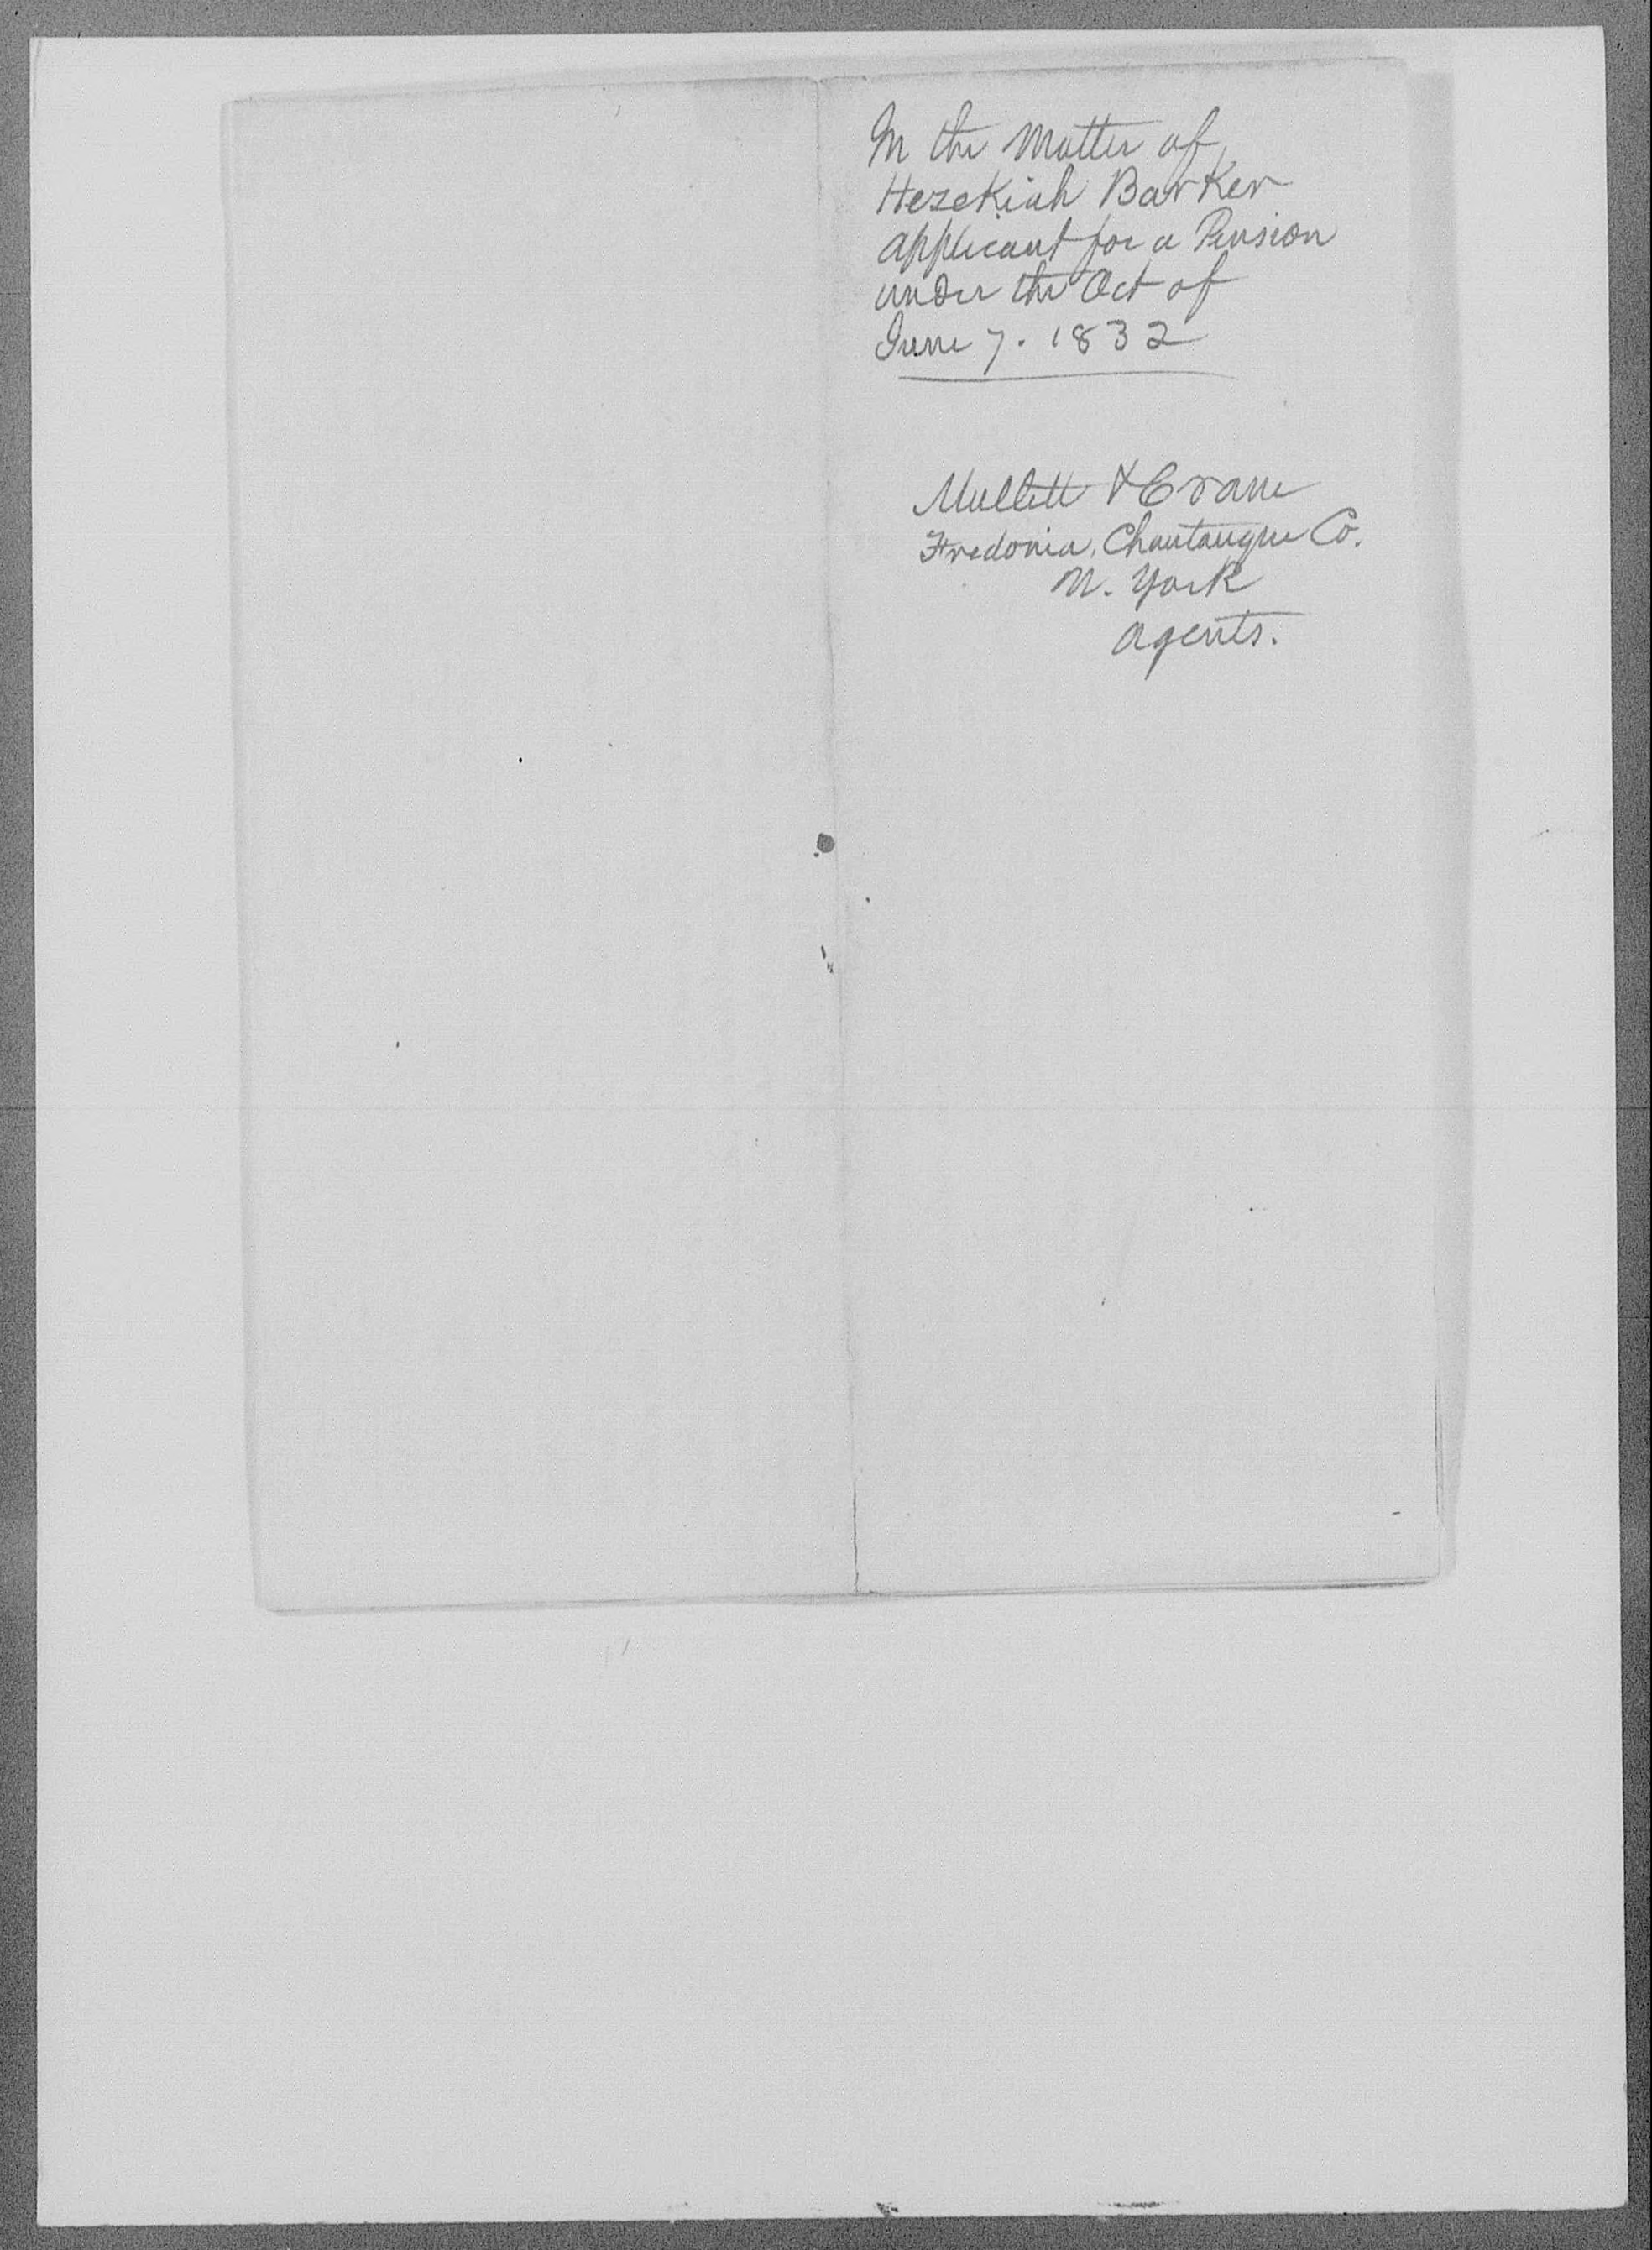In the matter of Hezekiah Barker
applicant for a pension under the Act of June 7 1832
Mullett & Crane
Fredonia, Chautauqua Co.
N. York 
Agents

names: Hezekiah Barker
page: 14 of 52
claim: widow's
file: W. 18,565, Hezekiah Barker, Continental R.I.